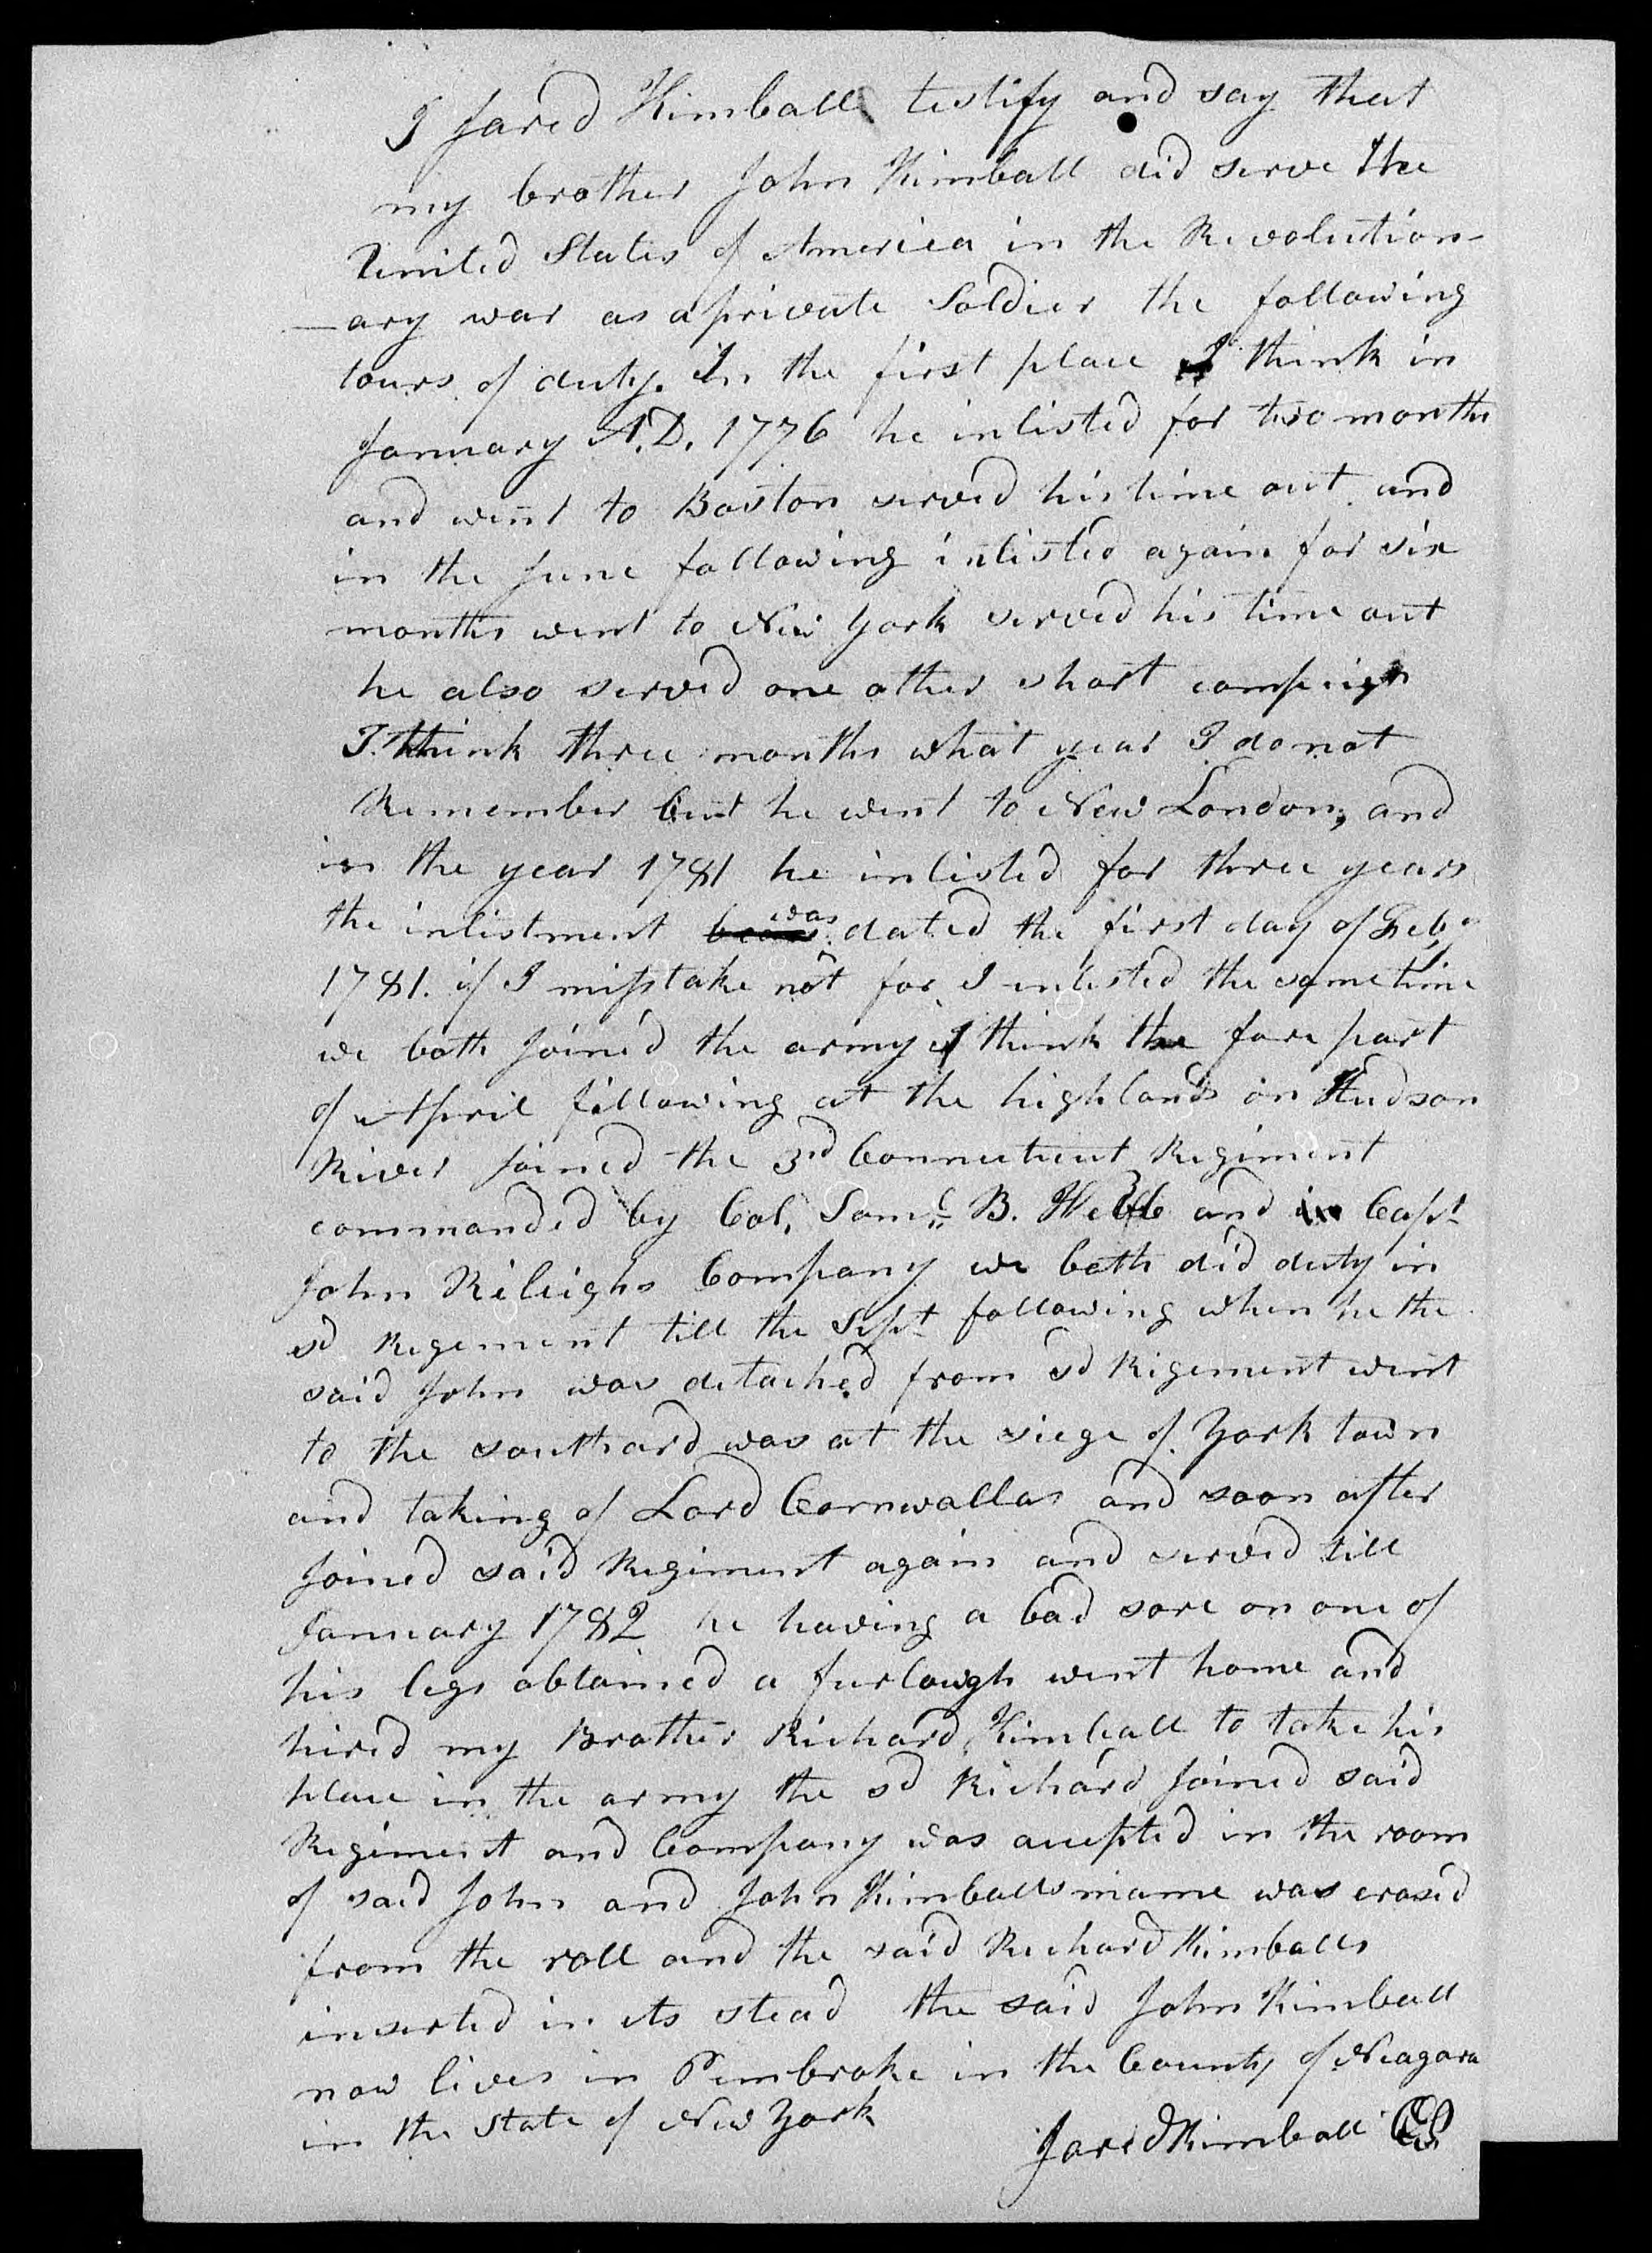I Jared Kimball testify and say that my brother John Kimball did serve the United States of America in the Revolutionary war as a private Soldier the following tours of duty. In the first place I think in January A.D. 1776 he inlisted for two months and went to Boston served his time out and in the June following inlisted again for six months went to New York served his time out he also served one other short campaign I think three months what year I do not remember but he went to New London, and in the year 1781 he inlisted for three years the inlistment was dated the first day of Feb 1781. if I mistake not for I inlisted the same time we both joined the army I think the fore part of April following at the highlands on Hudson River joined the 3rd Connecticut Regiment commanded by Col. Saml B. Webb and Capt John Rileighs Company we both did duty in said Regiment till the Sept following when he the said John was detached from said Regiment went to the southward war at the siege of Yorktown and taking of Lord Cornwallis and soon after joined said Regiment again and served till January 1782 he having a bad sore on one of his legs obtained a furlough went home and hired my Brother Richard Kimball to take his place in the army the said Richard joined said Regiment and Company & was accepted in the room of said John and John Kimballs name was erased from the roll and the said Richard Kimballs inserted in its stead The said John Kimball now lives in Pembroke in the County of Niagara in the State of New York
Jared Kimball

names: John Kimball; Richard Kimball; Jared Kimball; Saml B Webb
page: 8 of 36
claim: survivor's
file: S. 42,792, for John Kimball, Connecticut